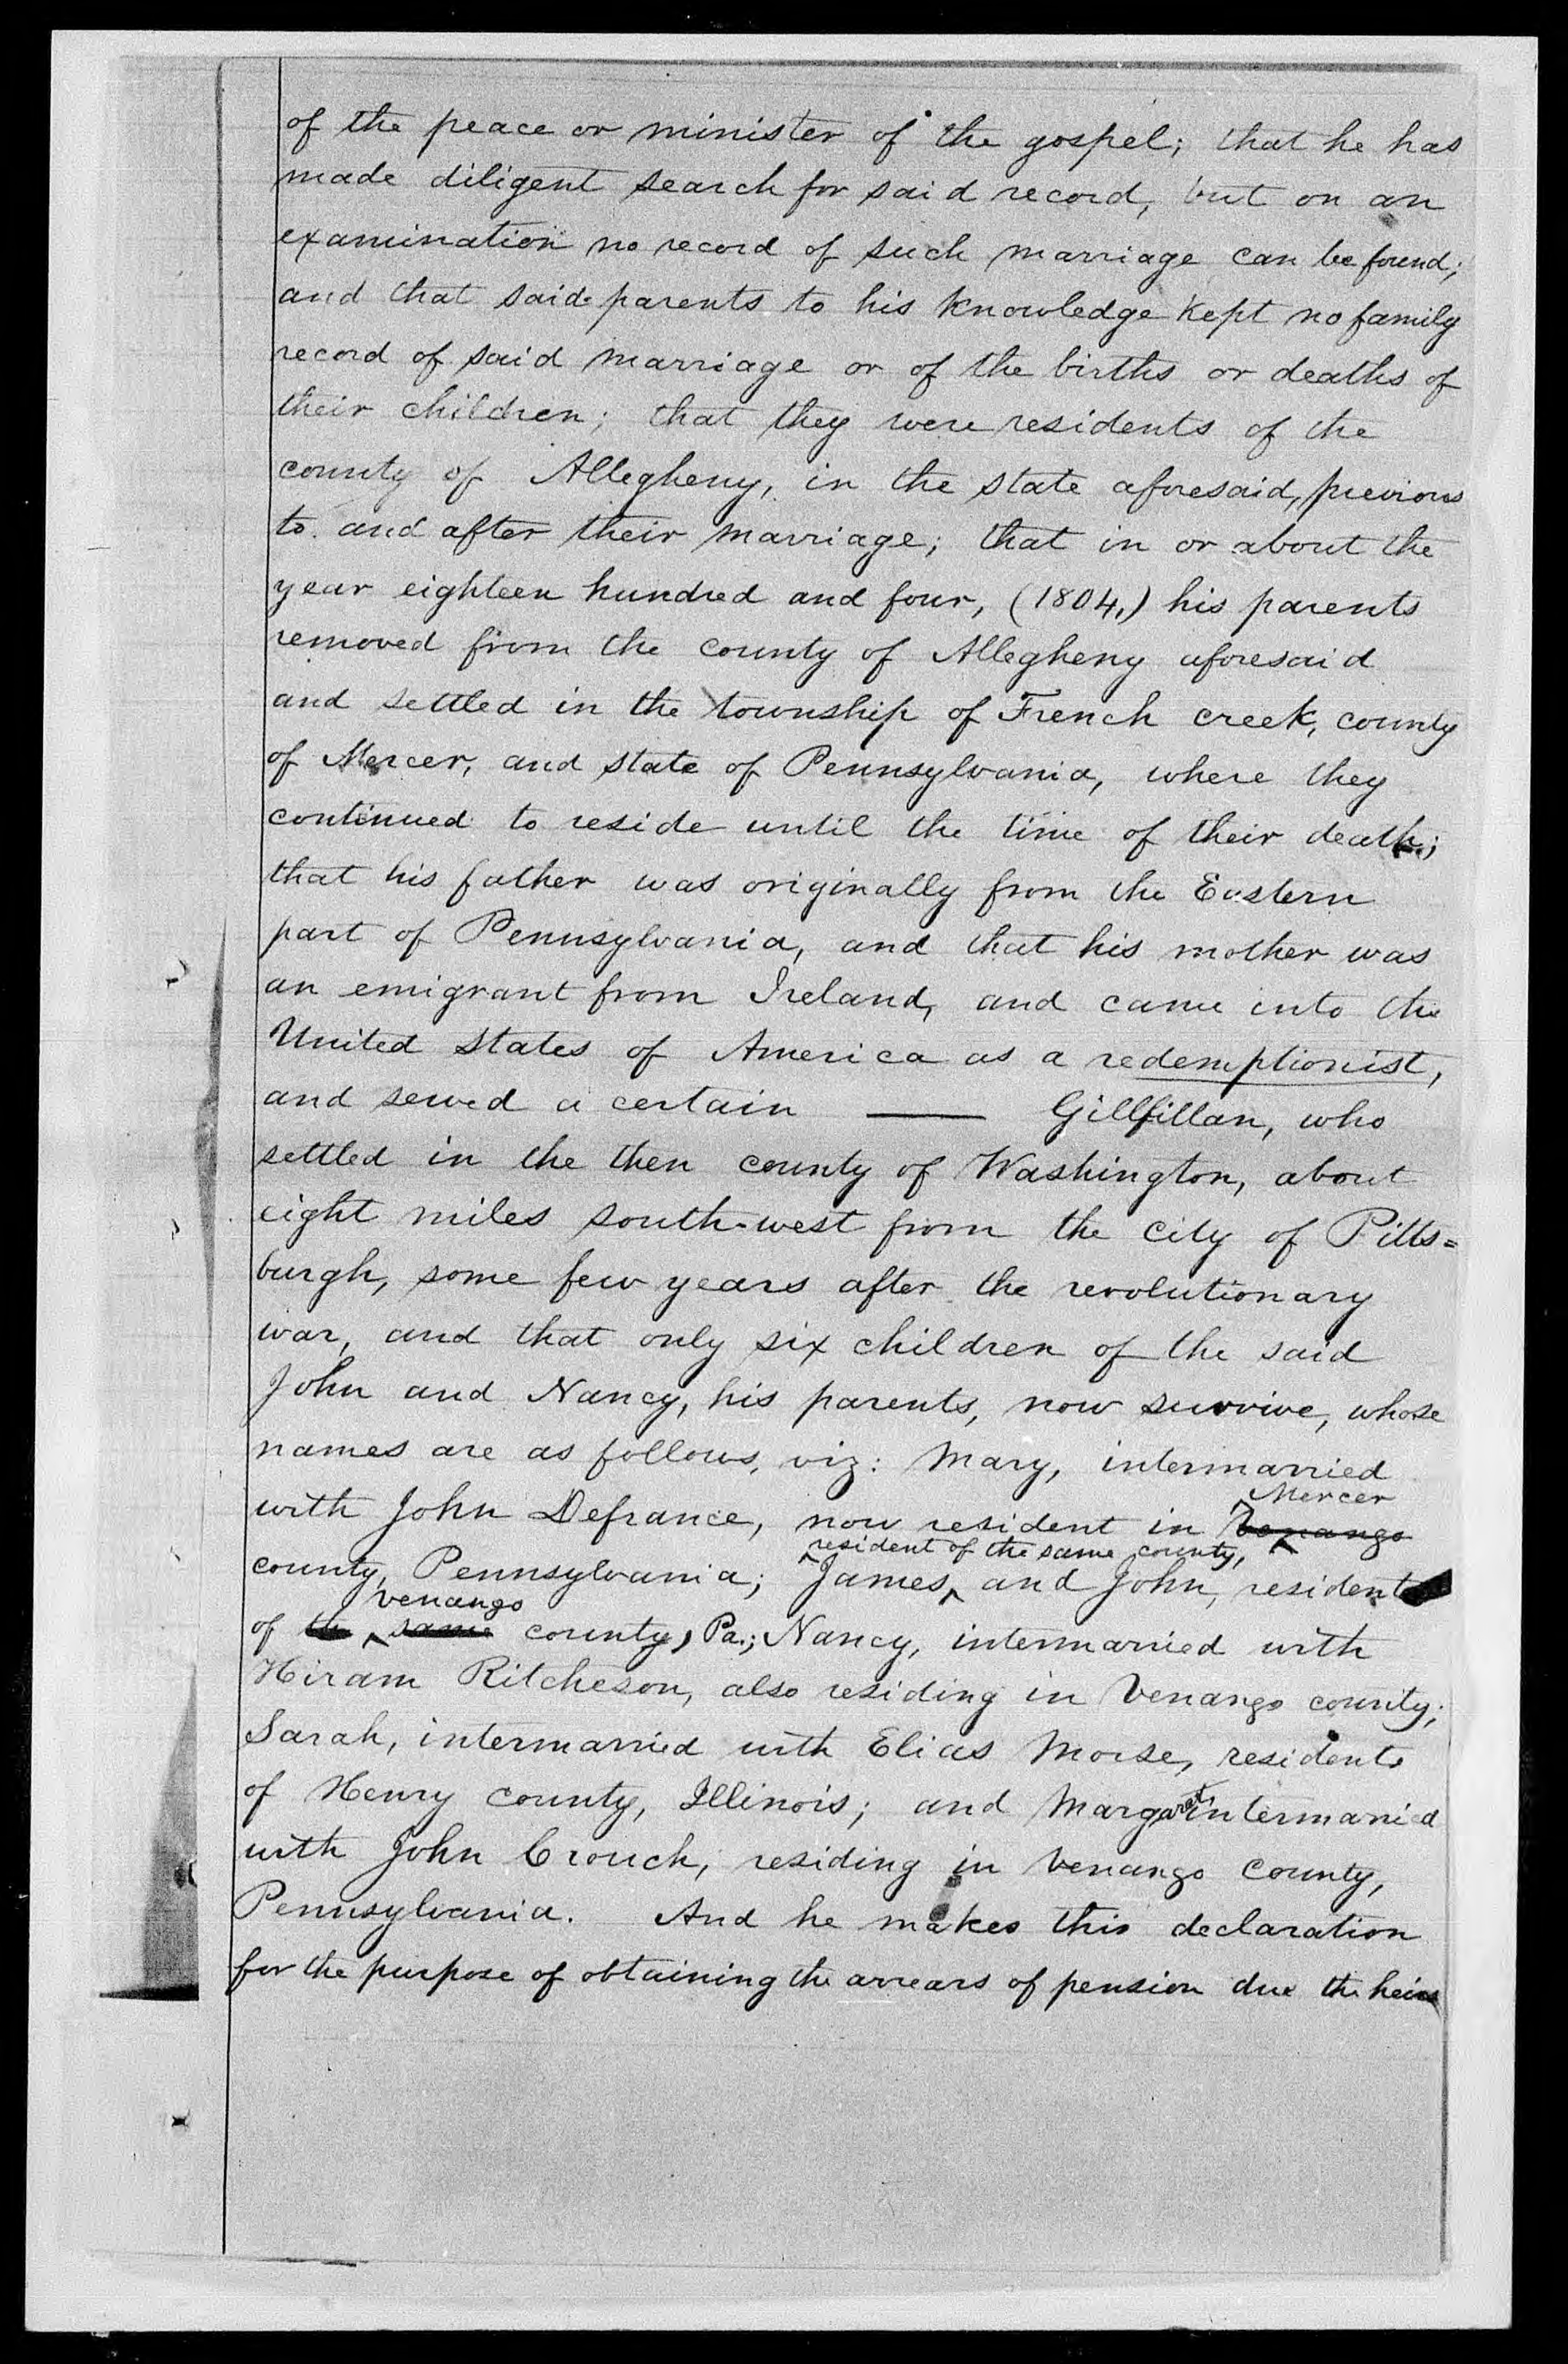of the peace or minister of the gospel; that he has made diligent search for said record, but on an examination no record of such marriage can be found; and that said parents to his knowlege kept no family record of said marriage or of the births or deaths of their children; that they were residents of the county of Allegheny, in the state aforesaid, previous to and after their marriage; that in or about the year eighteen hundred and four, (1804,) his parents removed from the county of Allegheny aforesaid and settled in the township of French Creek, county of Mercer, and state of Pennsylvania, where they continued to reside until the time of their deaths; that his father was originally from the Eastern part of Pennsylvania, and that his mother was an emigrant from Ireland, and came into the United States of America as a redemptionist, and served a certain ----- Gillfillan, who settled in the then county of Washington, about eight miles southwest from the city of Pittsburgh, some few years after the revolutionary war, and that only six children of the said John and Nancy, his parents, now survive, whose names are as follows, viz: Mary, intermarried with John Defrance, now resident in Mercer county, Pennsylvania; James resident of the same county, and John resident of Venango county, Pa.; Nancy, intermarried with Hiram Ritcheson, also residing in Venango county; Sarah, intermarried with Elias Morse, resident of Henry County, Illinois; and Margaret intermarried with John Crouch, residing in Venango county, Pennsylvania. And he makes this declaration for the purpose of attaining the arrears of pension due the heirs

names: Mary, Nancy, James, John Crouch, Elias Morse, Nancy, John Defrance, John, John, Hiram Ritcheson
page: 12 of 63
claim: widow's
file: W. 3228, John Daly, Penn.